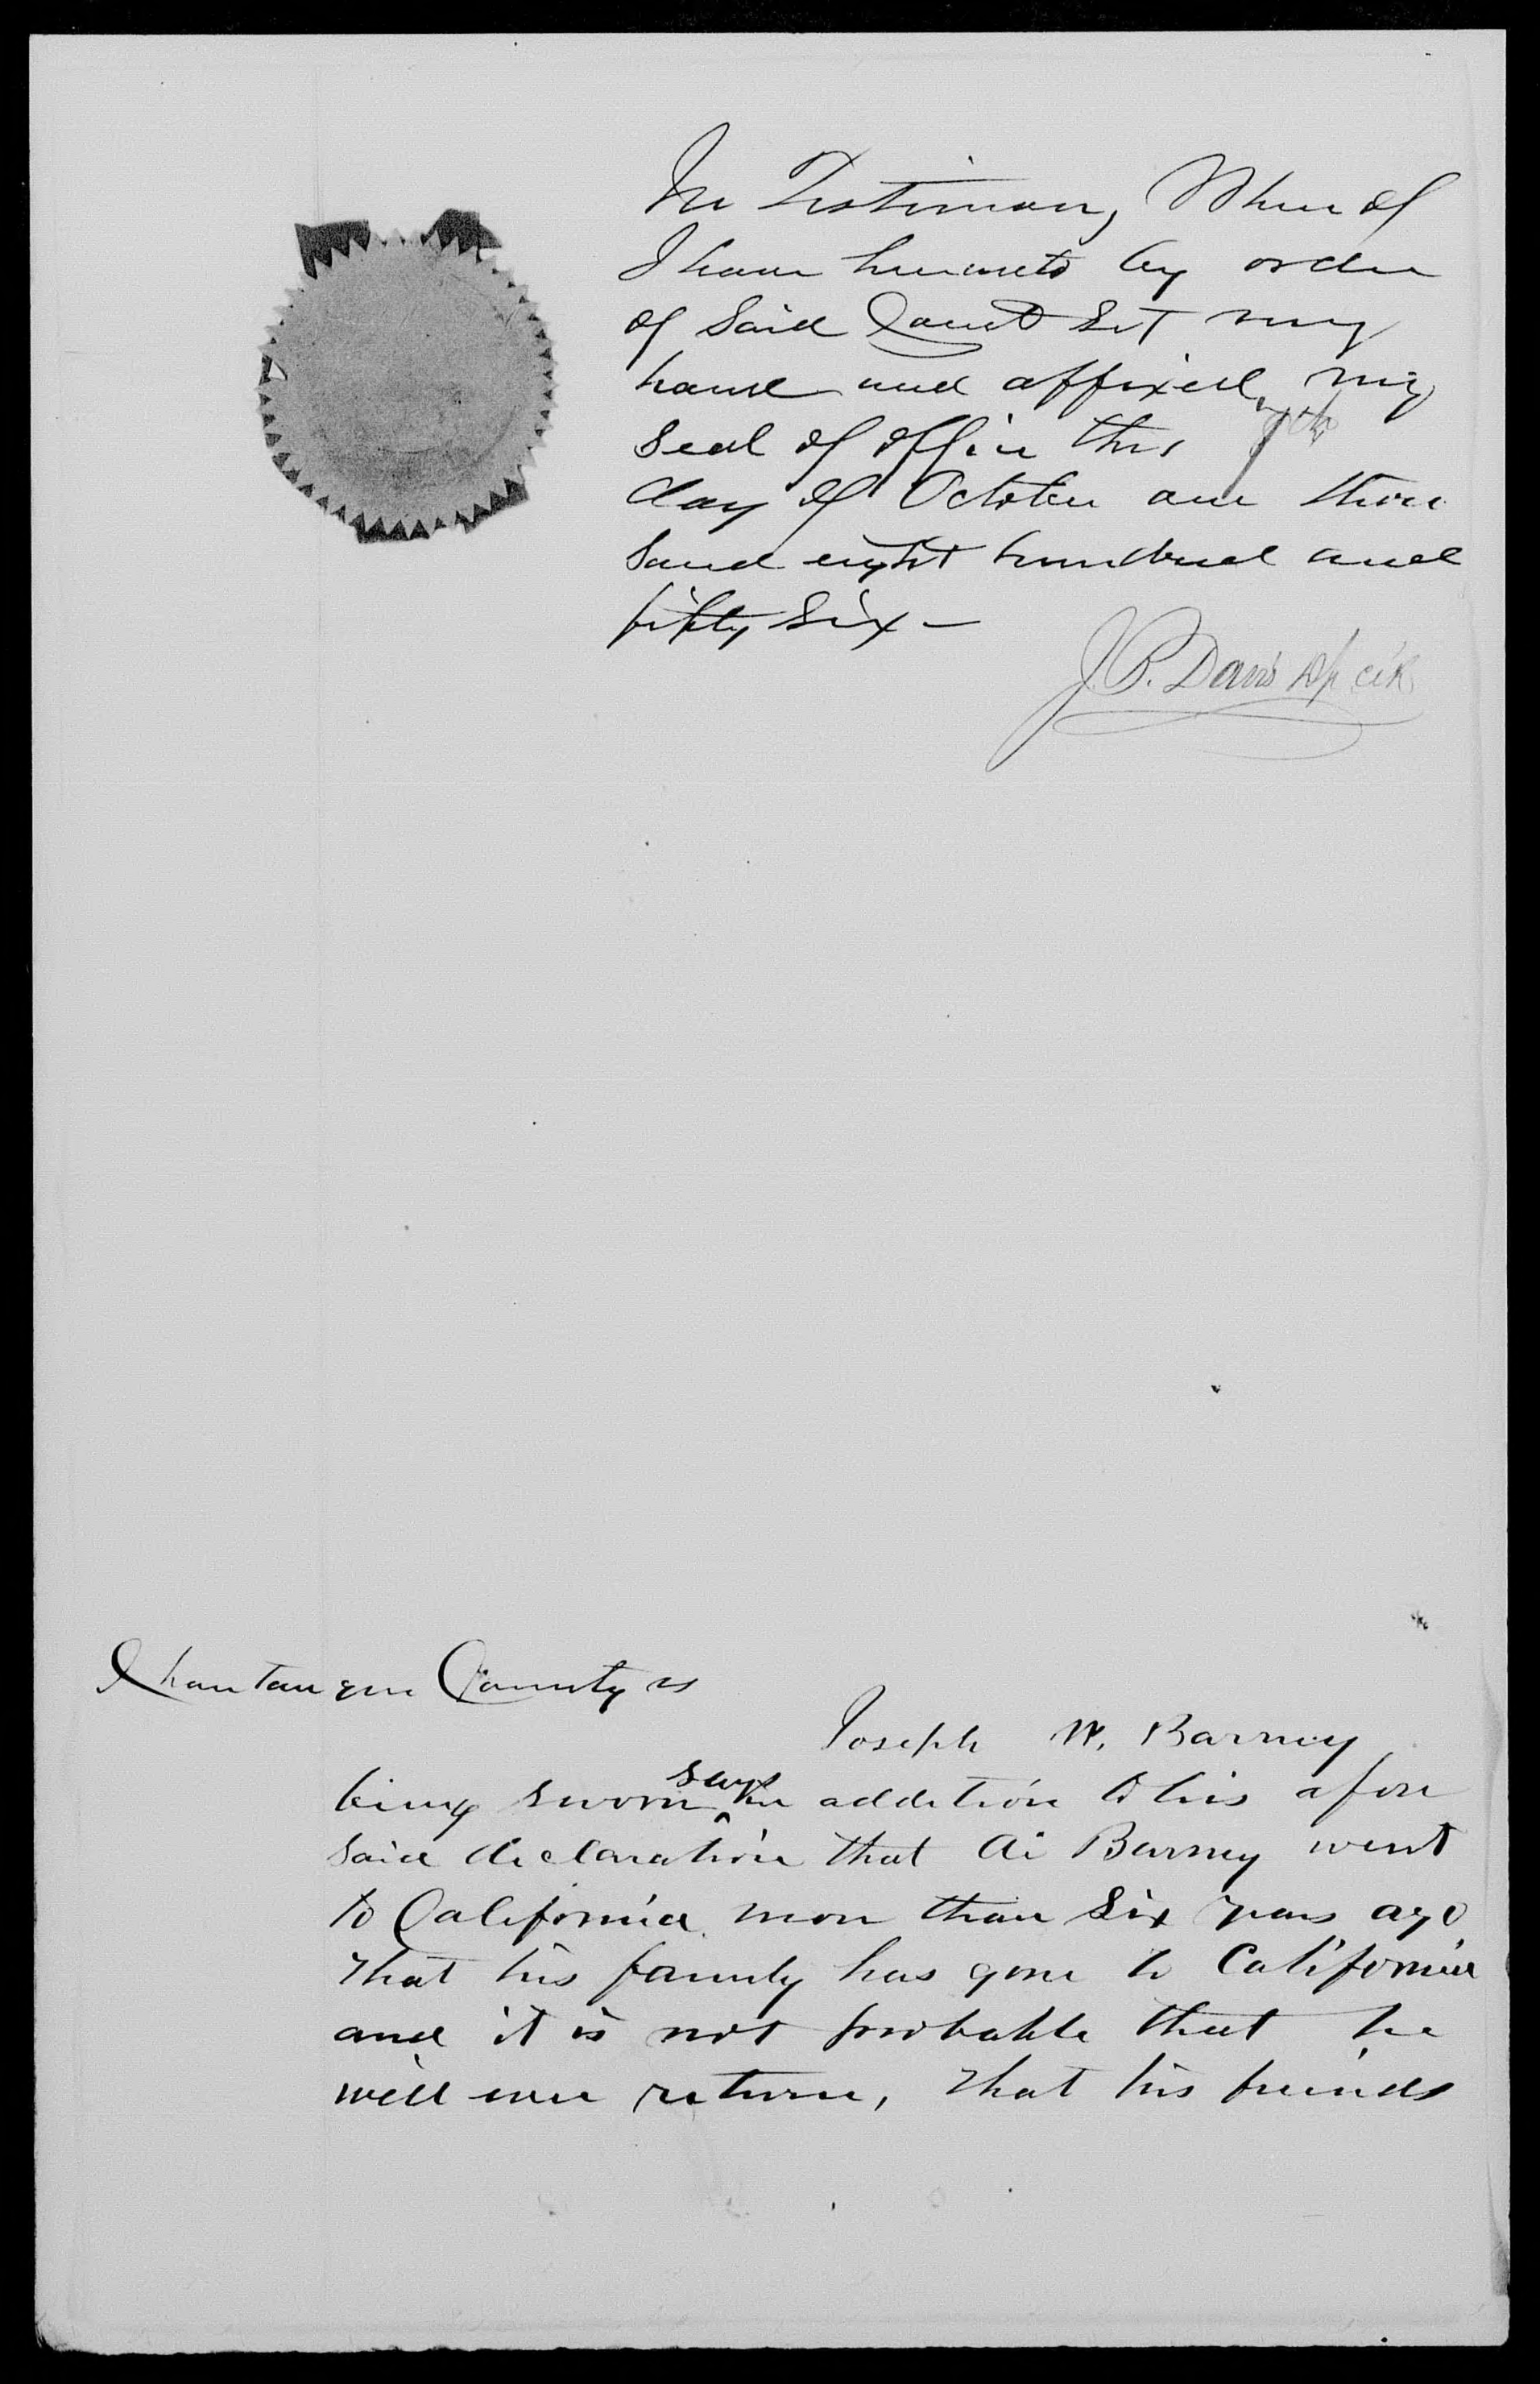[Seal affixed upper left]
In Testimony Whereof I have hereunto by order of said Court set my hand and affixed my Seal of Office this 7th
 [over "8th" erasure] day of October one thousand eight hundred and fifty six -
J. B. Davis Ds Clk

Chautauqua County ss
Joseph W. Barney being sworn says [word inserted] in addition to his aforesaid declaration that Ai Barney went to California more than six years ago That his family has gone to California and it is not probable that he
well ever return, that his friends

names: Joseph W Barney, Ai Barney, J B Davis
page: 32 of 61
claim: widow's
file: W. 4.124, Luther Barney, Conn. Privateer.